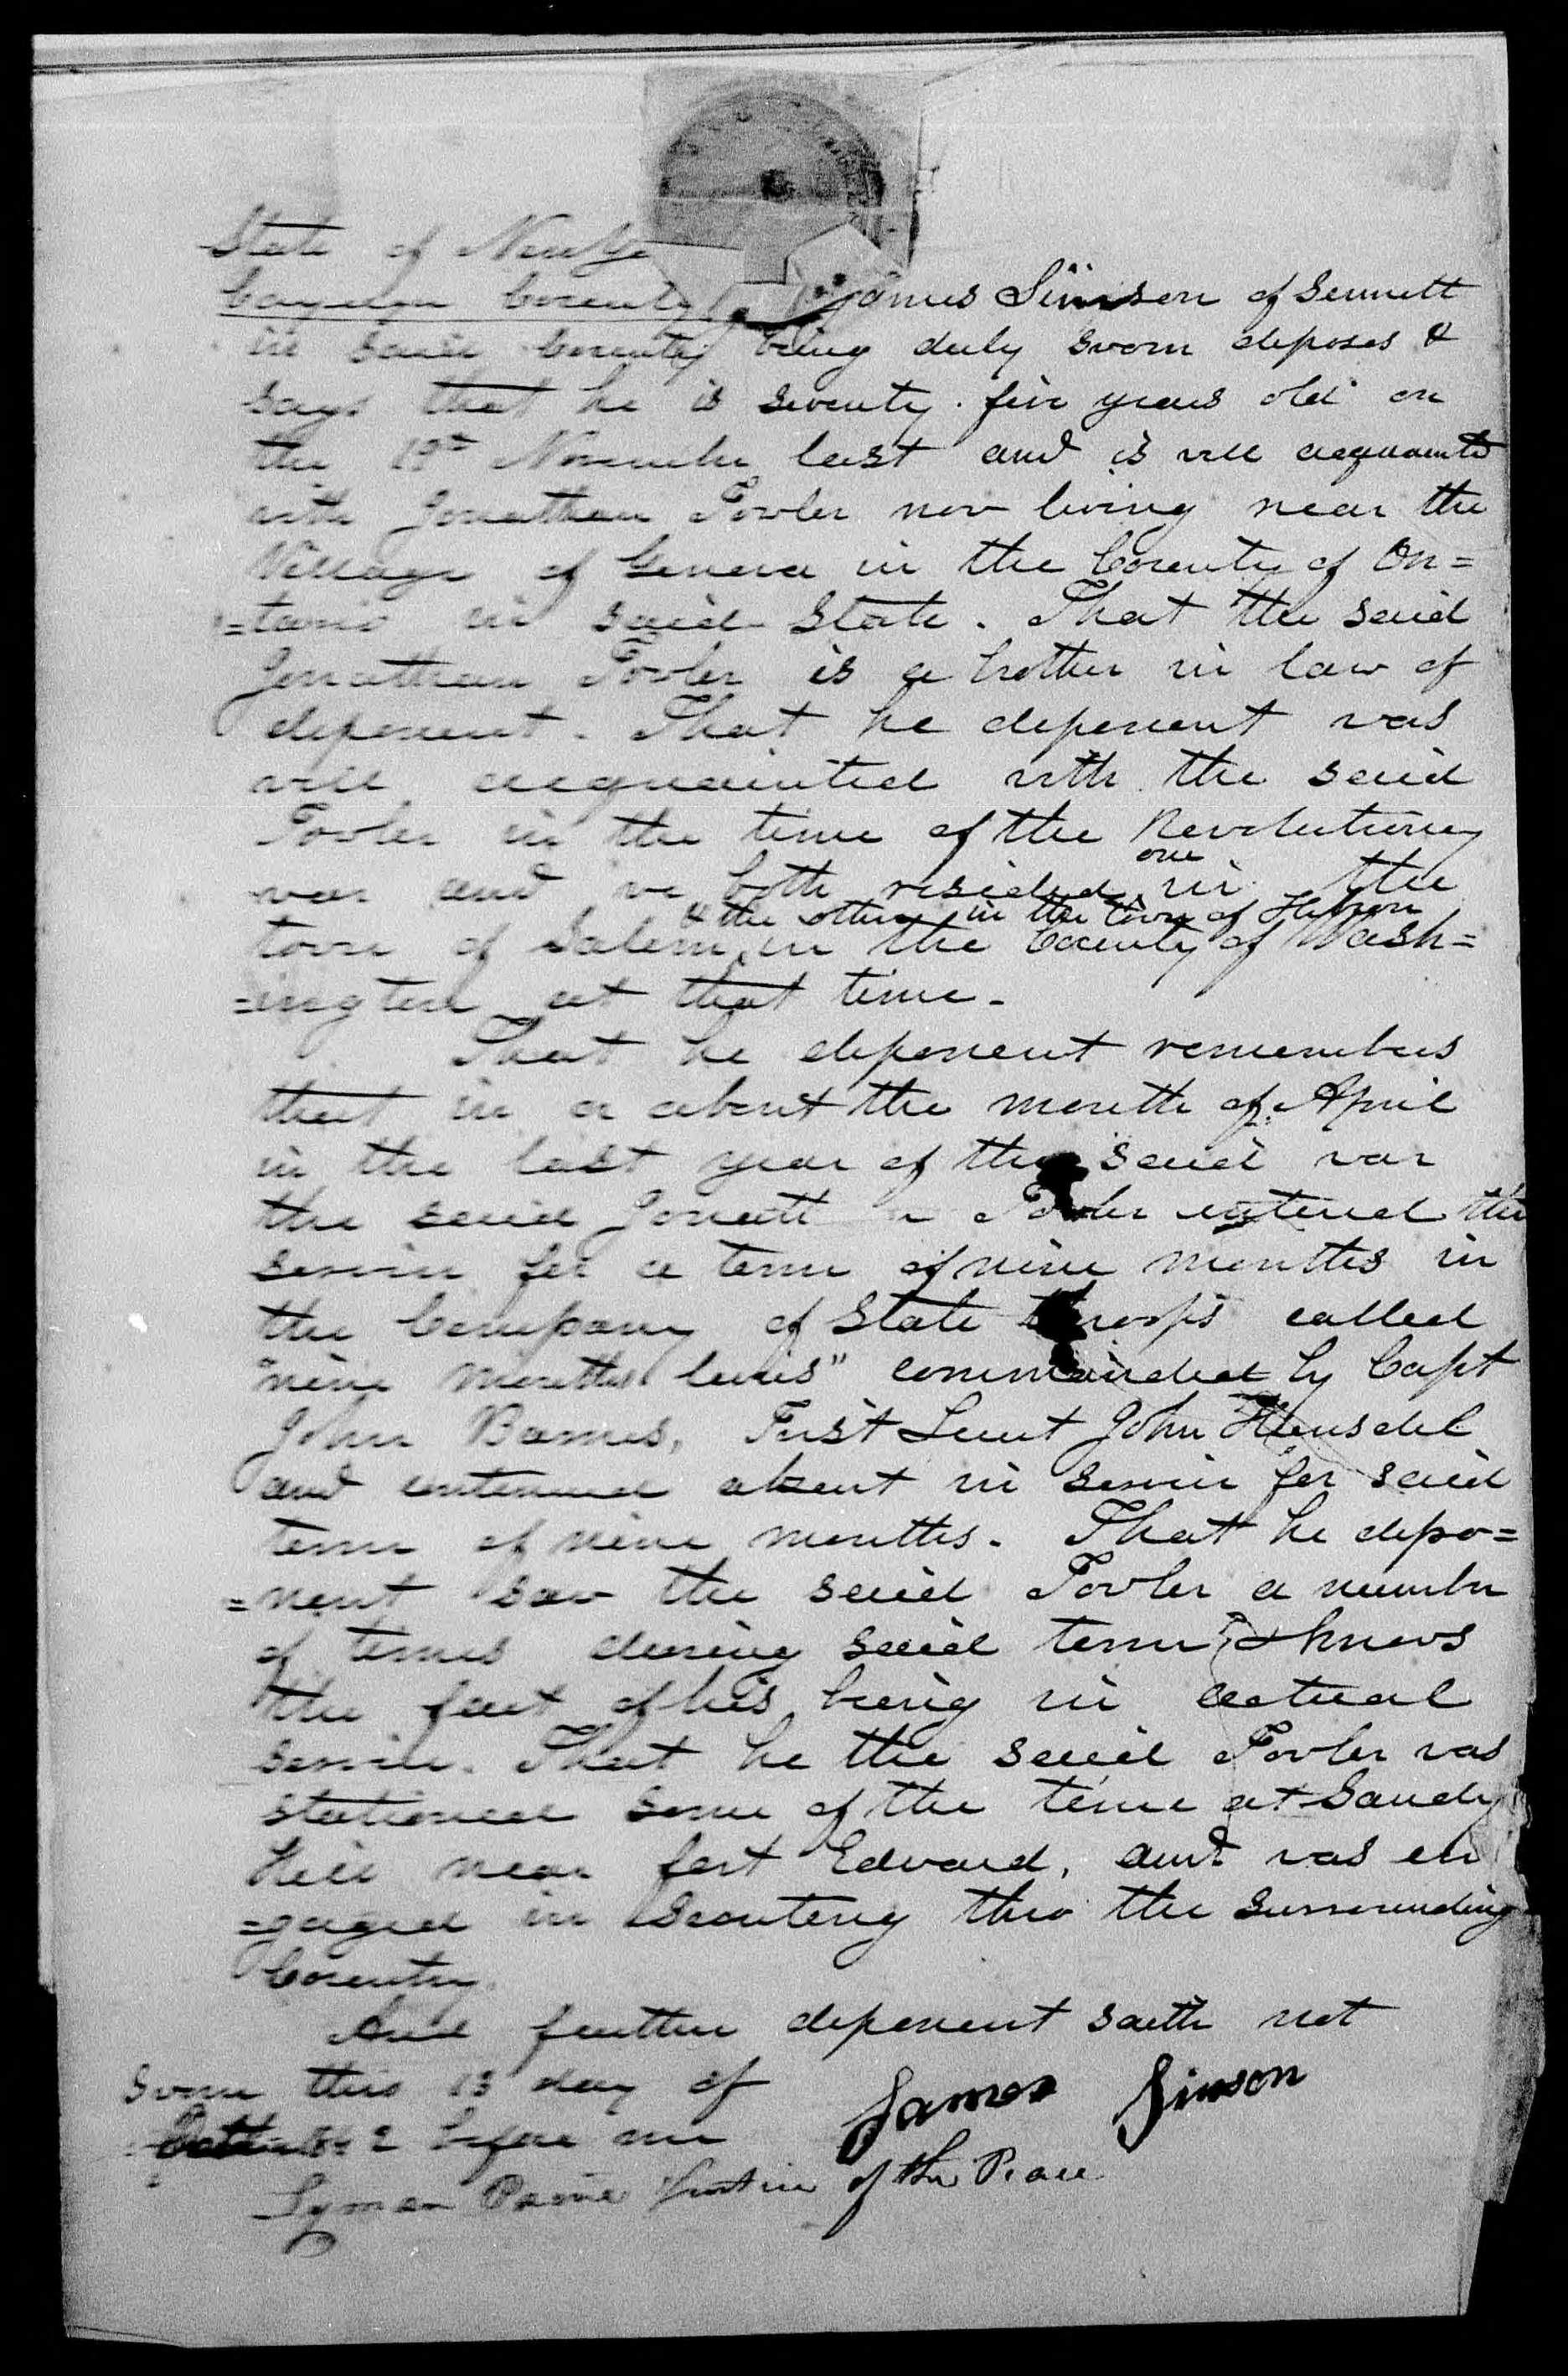State of New York, Cayuga County ss
I James Simson of Sumitt in said county being duly sworn deposes & says that he is seventy five years old on the 19th November last and is well acquainted with Jonathan Fowler now living near the Village of Geneva in the county of Ontario in said state. That the said Jonathan Fowler is a brother in lw of deponent. That he deponent was well acquainted with the said Fowler in the time of the Revolutionary war and  we both resided one in the town of Salem & the other in the town of Hebron in the county of Washington at that time.
That he deponant remembers that in or about the month of April in the last year of the said war the said Jonathan Fowler entered the service for a time of nine months in the company of State troops called "nine months levies" commanded by Capt John Barnes, First Lieut John Hunsdel and continued about in service for said term of nine months. That he deponant saw the said Fowler a number of times during said term & knows the fact of his being in actual service. That he the said Fowler was stationed some of the time at Sandy Hill near Fort Edward and was engaged in scouting this the surrounding country.
And further deponant saith not. 
James Simson

Sworn this 13 day of October 1842 before me.
Lyman Paine Justice of the Peace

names: James Simson, Jonathan Fowler, Jonathan Fowler, Fowler, Fowler, Fowler, James Simson, John Barnes, John Hunsdel, Jonathan Fowler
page: 32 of 44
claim: survivor's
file: S. 23639, Jonathan Fowler, New York